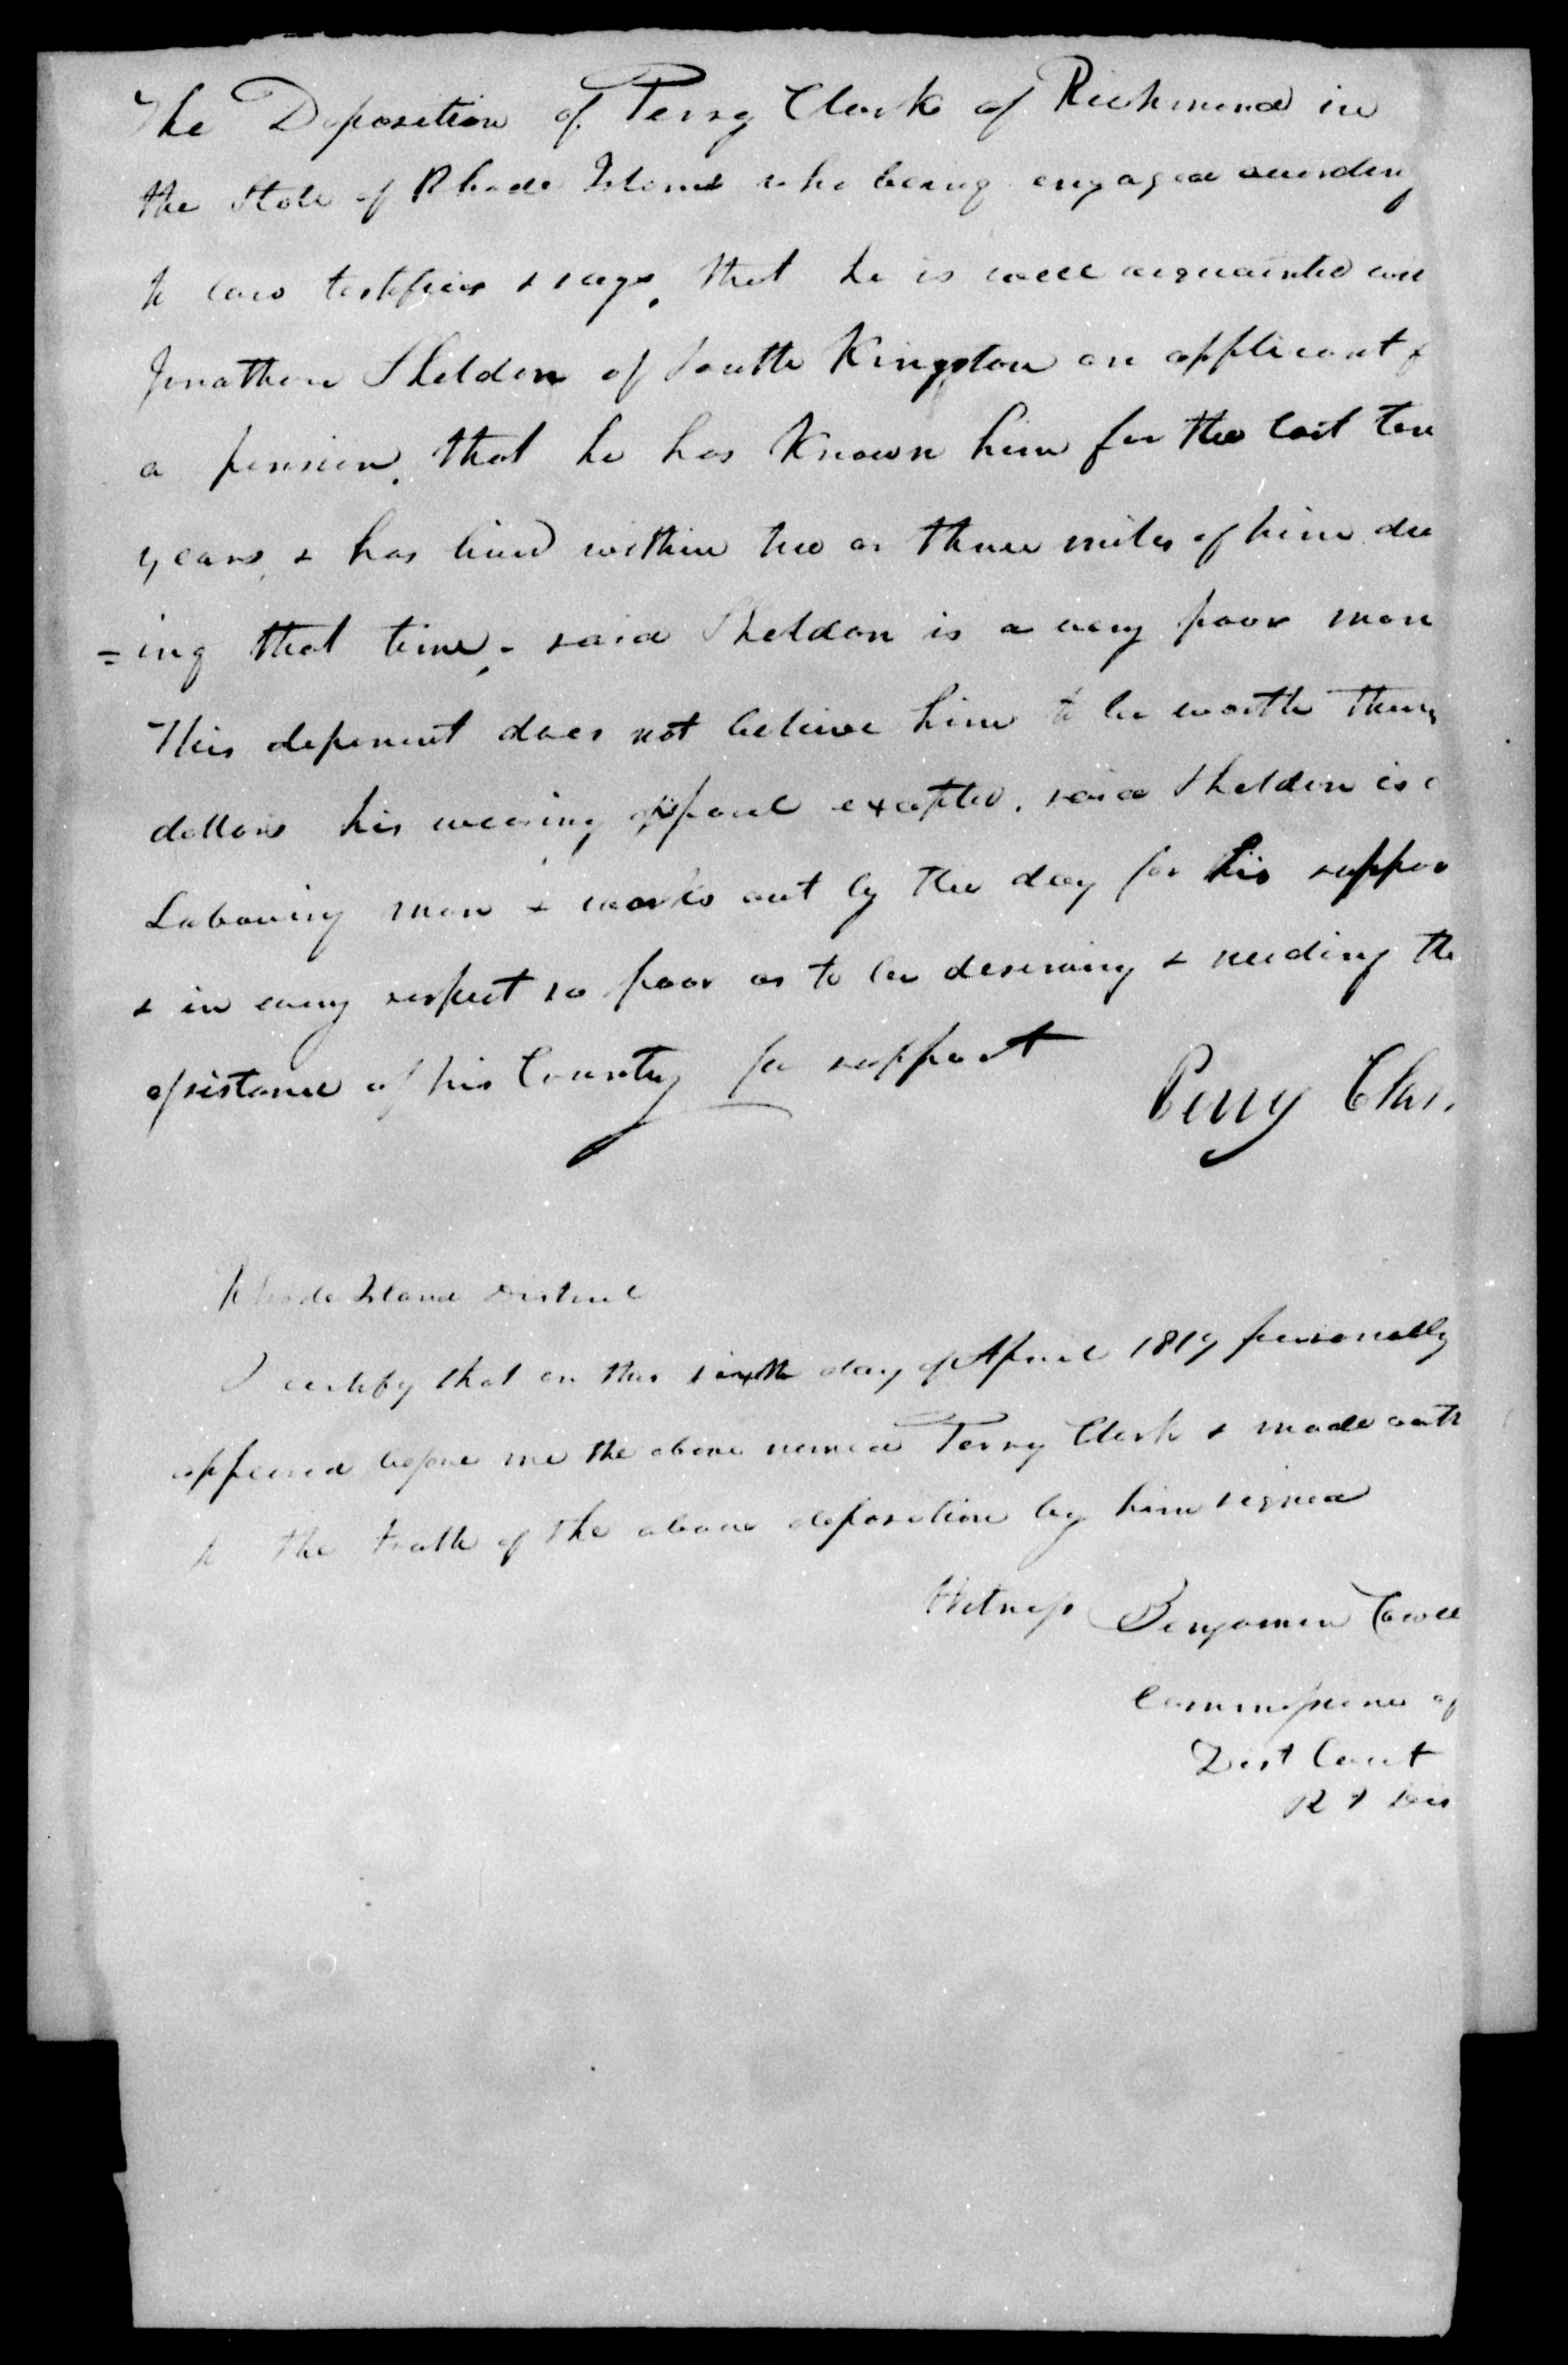The Deposition of Perry Clark of Richmond in the State of Rhode Island who being engaged and duly to law testifies & says that he is well acquainted with jonathan Sheldon of South Kingston an applicant for a pension that he has know him for the last ten years & has lived within two or three miles of him during that time, said Sheldon is a very pour [poor] man
This deponent does not believe him to be worth thirty dollars his wearing apparel excepted, said Sheldon is a Labouring man & works out by the day for his support & in every respect so poor as to be deserving & receiving the existence of his County for support
Perry Clark

Rhode Island District
I certify that on this sixth day of April 1819 personally appeared before me the above named Perry Clark & made oath to the truth of the above deposition by him signed
Witness Benjamin Cowell
Commissioner of 
Dist Court 
R I Dis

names: [BLANK] Sheldon; Perry Clark; Perry Clark; Benjamin Cowll; [BLANK] Sheldon; Jonathon Sheldon; Perry Clark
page: 6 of 11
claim: survivor's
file: S. 39840, for Jonathan Sheldon, Rhode Island